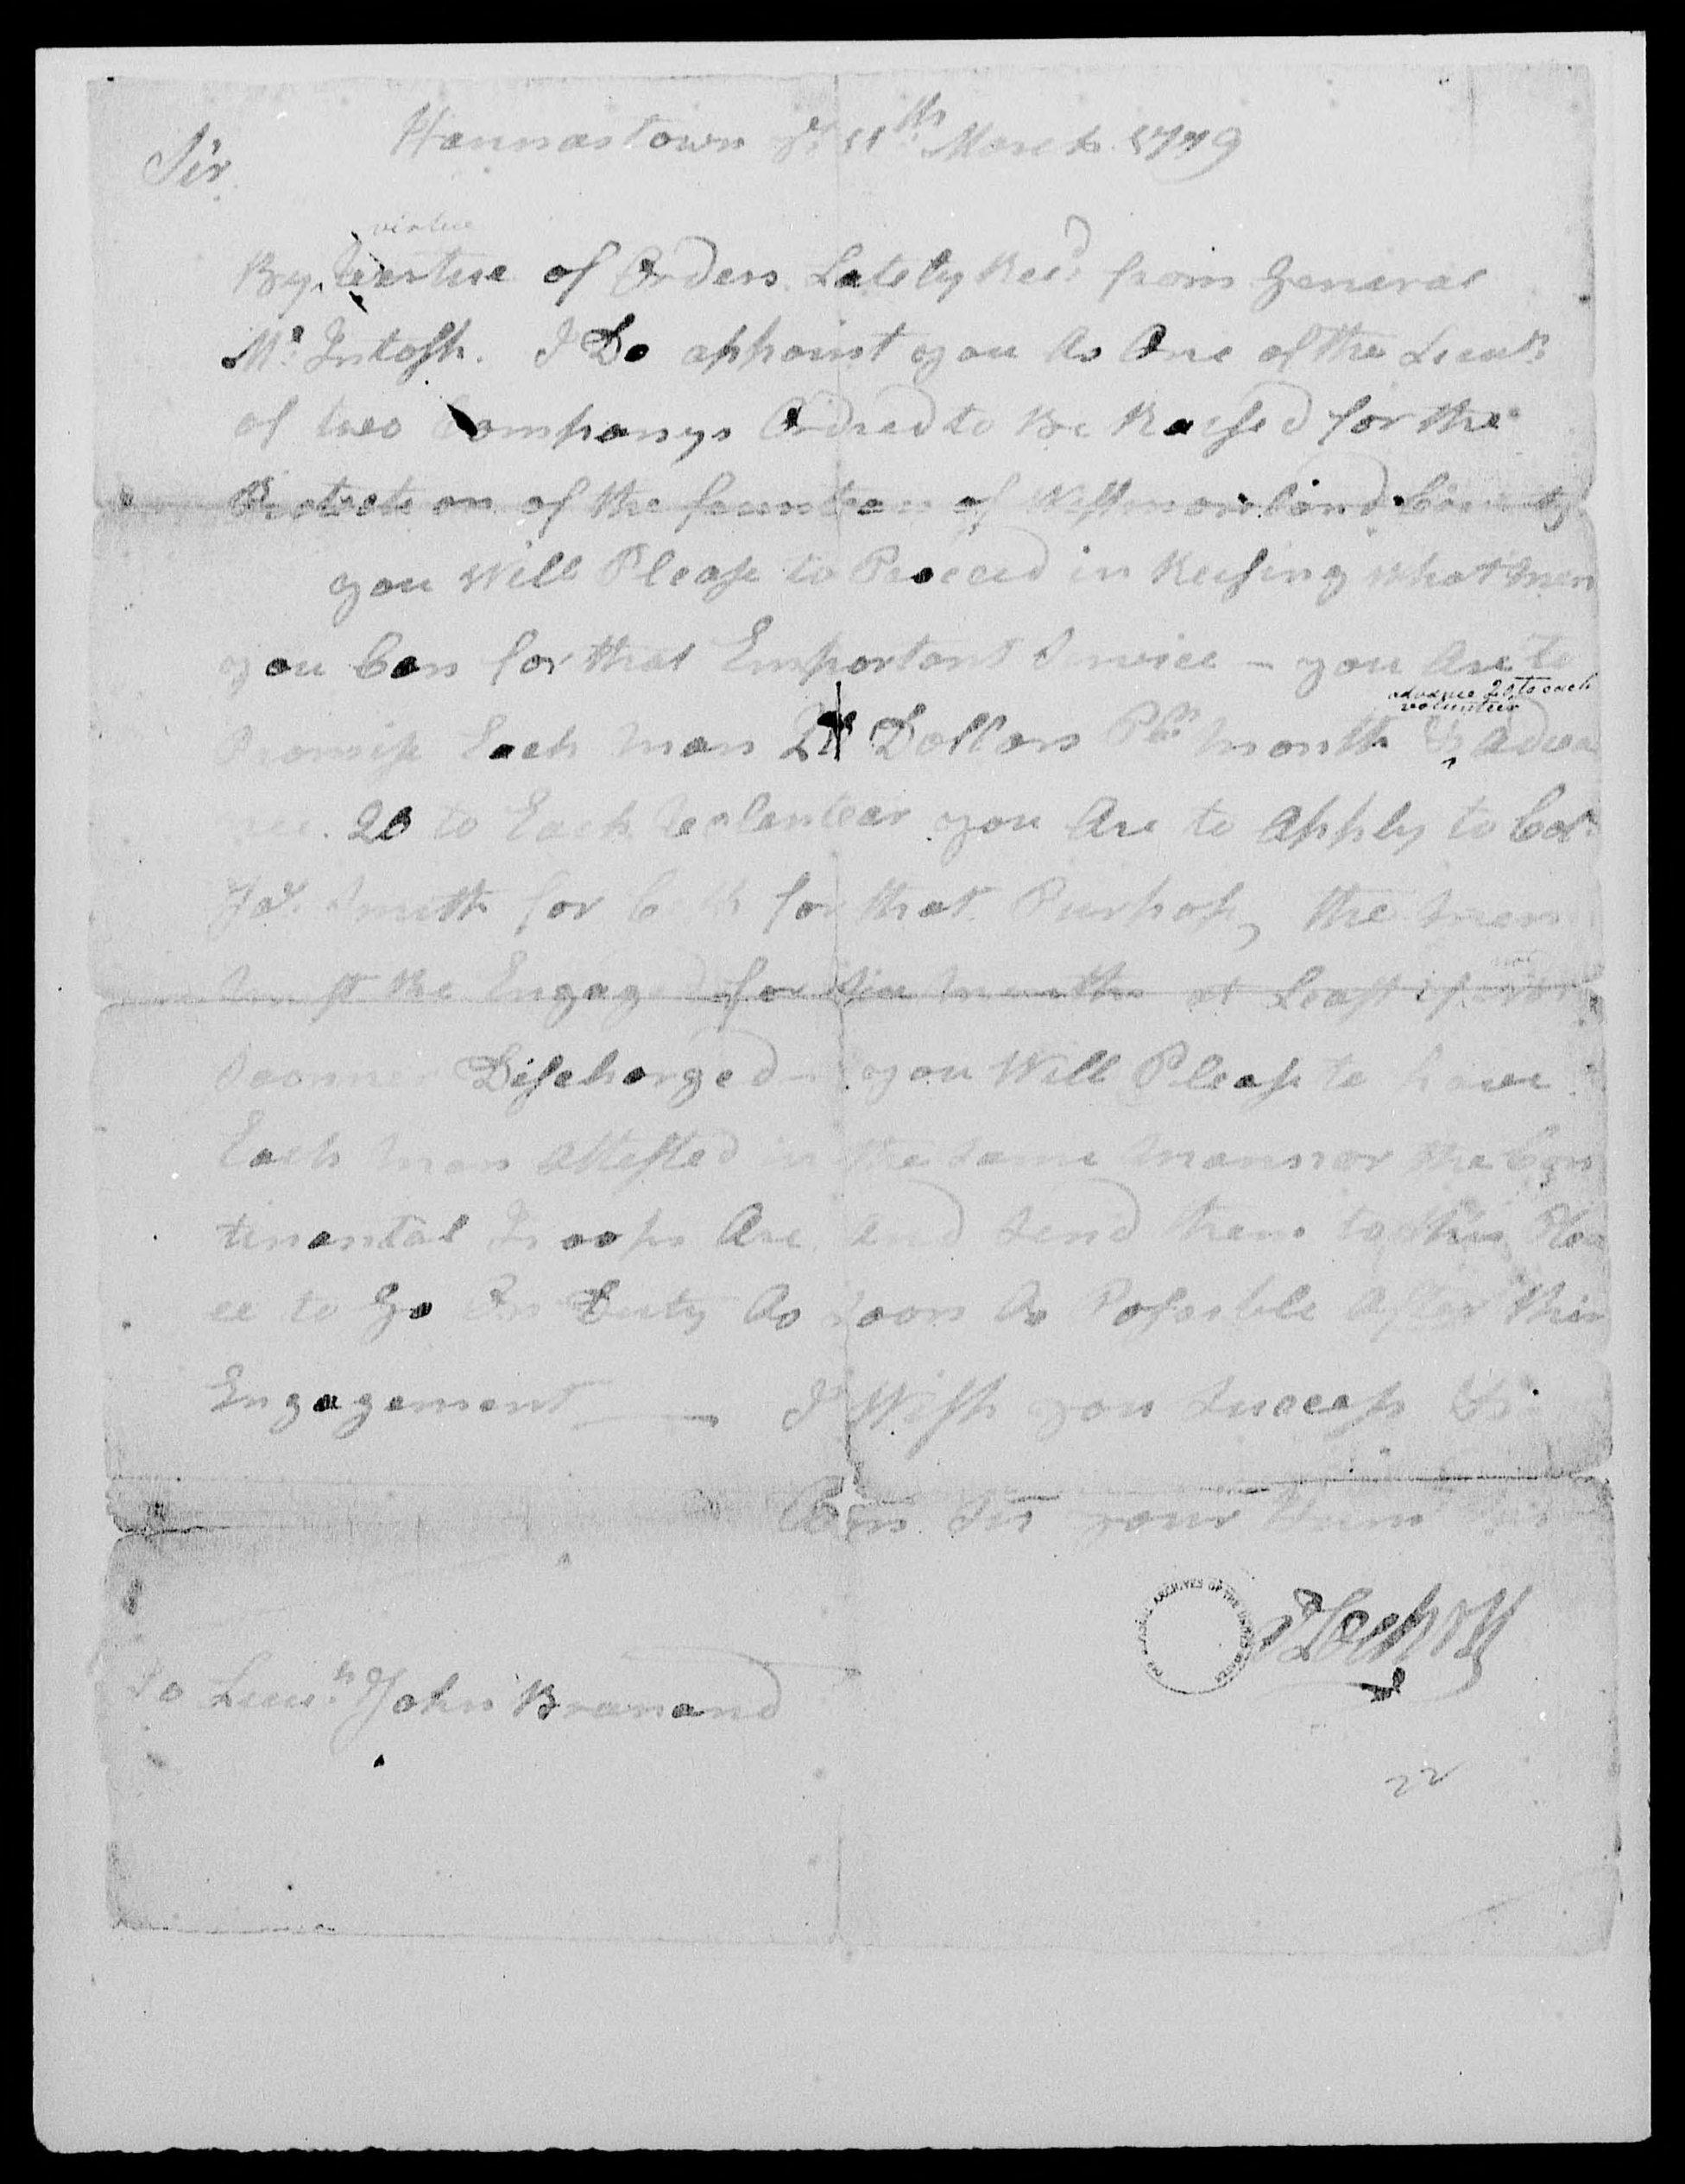Hannastown ss 11th March 1779
Sir
By virtue of Orders Lately Recd. from General McIntosh I Do appoint you as one of the Lieut. of two Companys Ordered to Be Raised for the Patrols on of the fourteen(?) of Westmoreland County
you will Please to Proceed in Keeping what men you Can for that Important Service - you are to provide each man 20 Dollars pr. month & advance 20 to each volunteer you are to apply to Col. Jac. Smith for Cash for that Purpose, the men are to be Engaged for six months at Least if not sooner Discharged - you Will Please to have Each man attested in the same manner the Continental Troops Are and send them to his Place to go In Boats as soon as possible after this Engagement -- I wish you [illegible] a Com Sit your Hum(?)

A Lochry

[stamp]
THE NATIONAL ARCHIVES OF THE UNITED STATES

to Lieut. John Branand 

22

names: Jas Smith, A Lochry, John Branand, Mc Intosh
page: 24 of 83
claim: widow's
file: W. 5946, John Brandon, Penn